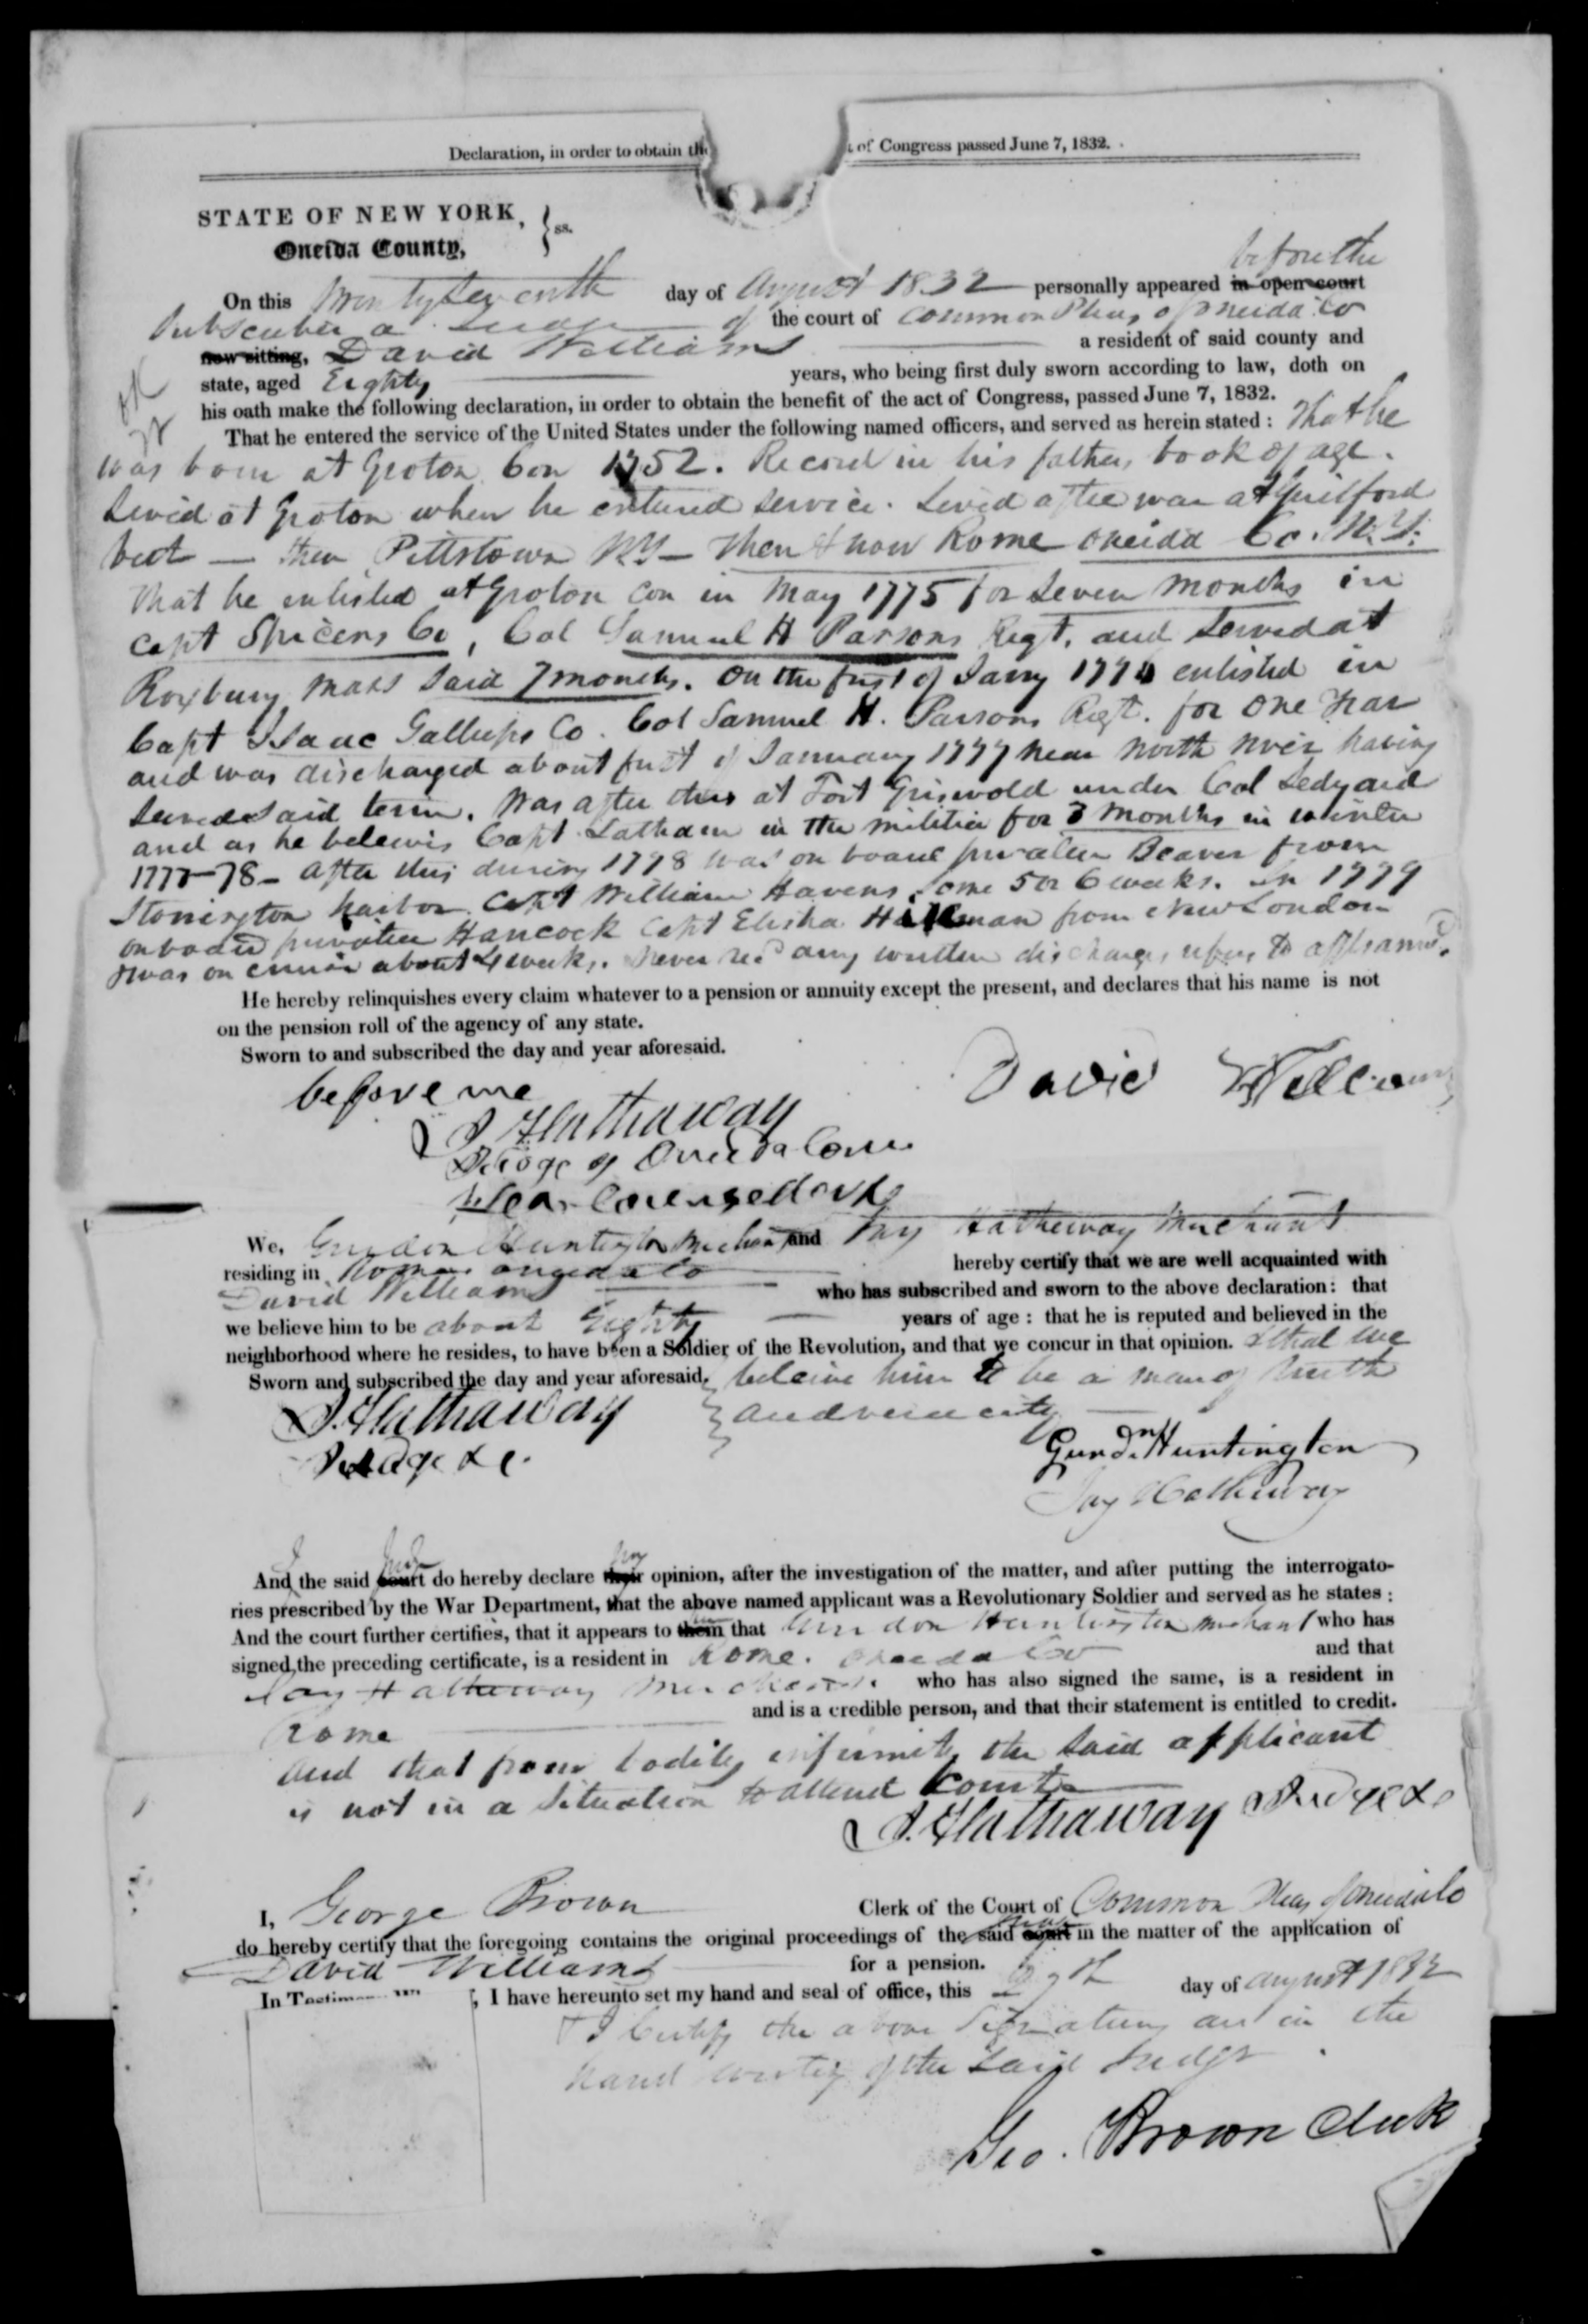Declaration, in order to obtain (illegible) of Congress passed June 7, 1832

STATE OF NEW YORK, Oneida County ss.
On this twenty seventh day of August 1832 personally appeared before the subscriber a Judge of the court of Common Pleas (illegible) David Williams a resident of said county and state, aged Eighty years, who being first duly sworn according to law, doth on his oath make the following declaration, in order to obtain the benefit of the act of Congress, passedJune 7, 1832. That he entered the service of the United States under the following named officers, and served as herein stated: that he was born at Groton Con. 1752. Record in his fathers book of age lived at Groton when he entered service.  Lived after the war at Guilford (illegible) then Pittstown N. Y. Then of now Rome Oneida Co. N. Y.  That he enlisted at Groton Con in May 1775 for seven months in Capt. Spicers Co., Do Samuel H. Parsons Regt, and served at Roxbury, Mass said 7 months.  On the first of Jany 1776 enlisted in Capt Isaac Gallups Co. Col Samuel H. Parsons Regt. for one year and was discharged about first of January 1777 near North River having served said term. Was after this at Fort Griswold under Col. Sedyard and as he  believes Capt Latham in the militia for 3 months in winter 1777-1778. After this during 1778 was on board privateer Beaver from Stonington harbor, Capt. William Havens some 5 or 6 weeks. In 1779 on board privateer Hancock Capt Elisha Hillman from New London and was on cruise about 4 weeks. Never had any written discharge, refer to affidavit. 
He hereby relinquishes every claim whatever to a pension or annuity except the present, and declares that his name is not on the pension roll of the agency of any state.  Sworn to and subscribed the day and year aforesaid.  David Williams.
Before me J. Hathaway Judge of Oneida County Near (illegible) N. Y.
We, Gunder Huntington Merchant  Hatherway merchant residing in Rome and Augusta hereby certify that we are well acquainted with David Williams who has subscribed and sworn to the above declaration: that we believe him to be about eighty years of age; that he is reputed and believed in the neighborhood where he resides, to have been a Soldier of the Revolution and that we concur in that opinion. & that we believe him to be a man of truth and veracity. Gunder Huntington  Jay Hathaway
Sworn and subscribed the day and year aforesaid, J. Hathaway Judge &c.

And I the said judge do hereby declare my opinion, after the investigation of the matter, and after putting the interrogatories prescribed by the War Department, that the above named applicant was a Revolutionary Soldier and served as he states: And the court further certifies, that it appears to him that Gundon Huntington merchant who has signed the preceding certificate, is a resident in Rome, Oneida Co. and that I say Hathaway Machester, who has also signed the same, is a resident in Rome and is a credible person, and that their statement is entitled to credit.  And that from bodily infirmity the said applicant is not in a situation to attend courts.  J. Hathaway Judge &c

I George Brown Clerk of the Court of Common Pleas of Oneida do hereby certify that the foregoing contains the original proceedings of the said (illegible) in the matter of the application of David Williams for a pension.  In (illegible) I have hereunto set my hand and seal of office this eighth day of August 1832 & I certify the above signatures and in the hand writing of the said Judges. G. Brown Clerk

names: J Hathaway, David Williams, Hancock, Jay Hatheway, Latham, Gurdon Huntington, Beaver, William Havens, Elisha Hailman, George Brown, Ledyard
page: 13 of 63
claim: widow's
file: W. 22,632, David Williams, Conn. Continental Privateer